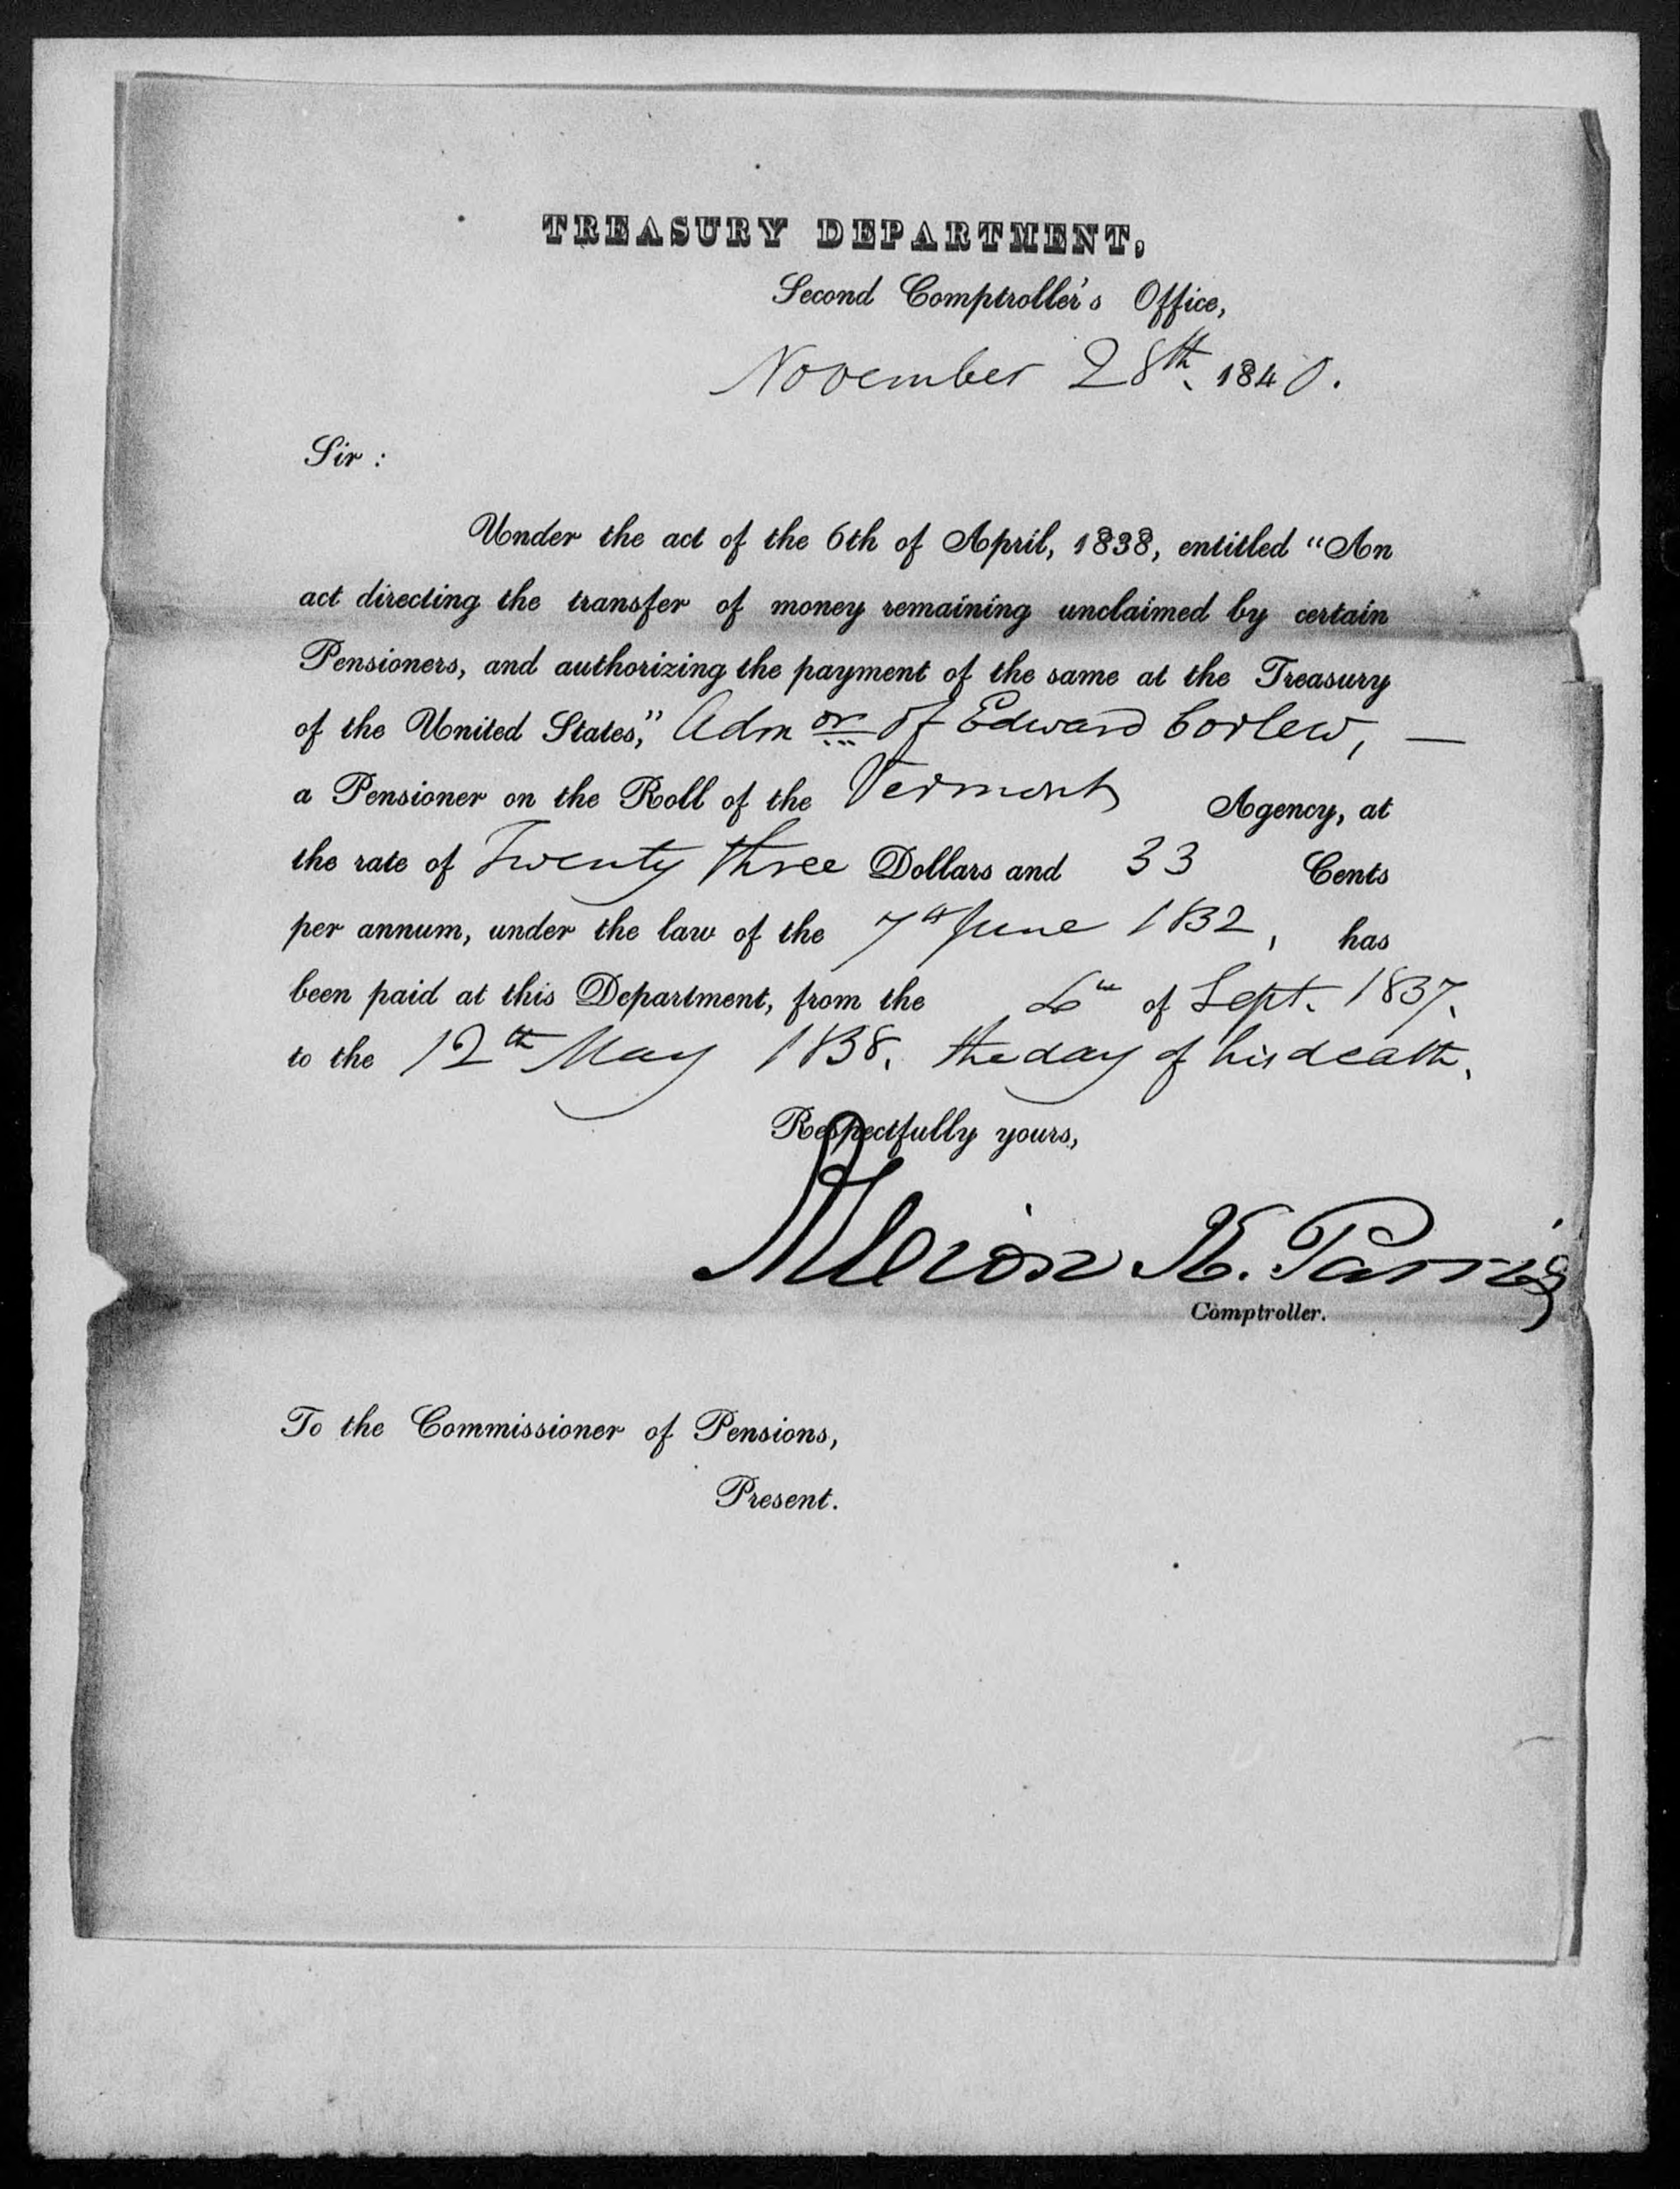TREASURY DEPARTMENT,
Second Comptroller's Office,
November 28th, 1840.

Sir:
Under the act of the 6th of April, 1838, entitled "An act directing the transfer of money remaining unclaimed by certain Pensioners, and authorizing the  payment of the same at the Treasury of the United States," Adm'or of Edward Corlew, - a Pensioner on the Roll of the Vermont Agency, at the rate of Twenty three Dollars and 33 Cents per annum, under the law of the 7th June 1832, has been paid at this Department, from the 4th of Sept. 1837, to the 12th May 1838, the day of his death.
Respectfully yours,
/s/Albion K. Parris
Comptroller.

To the Commissioner of Pensions, Present.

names: Albion K Parris, Edward Corlew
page: 10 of 18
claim: survivor's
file: S. 21,702, Edward Corlew, Vt.